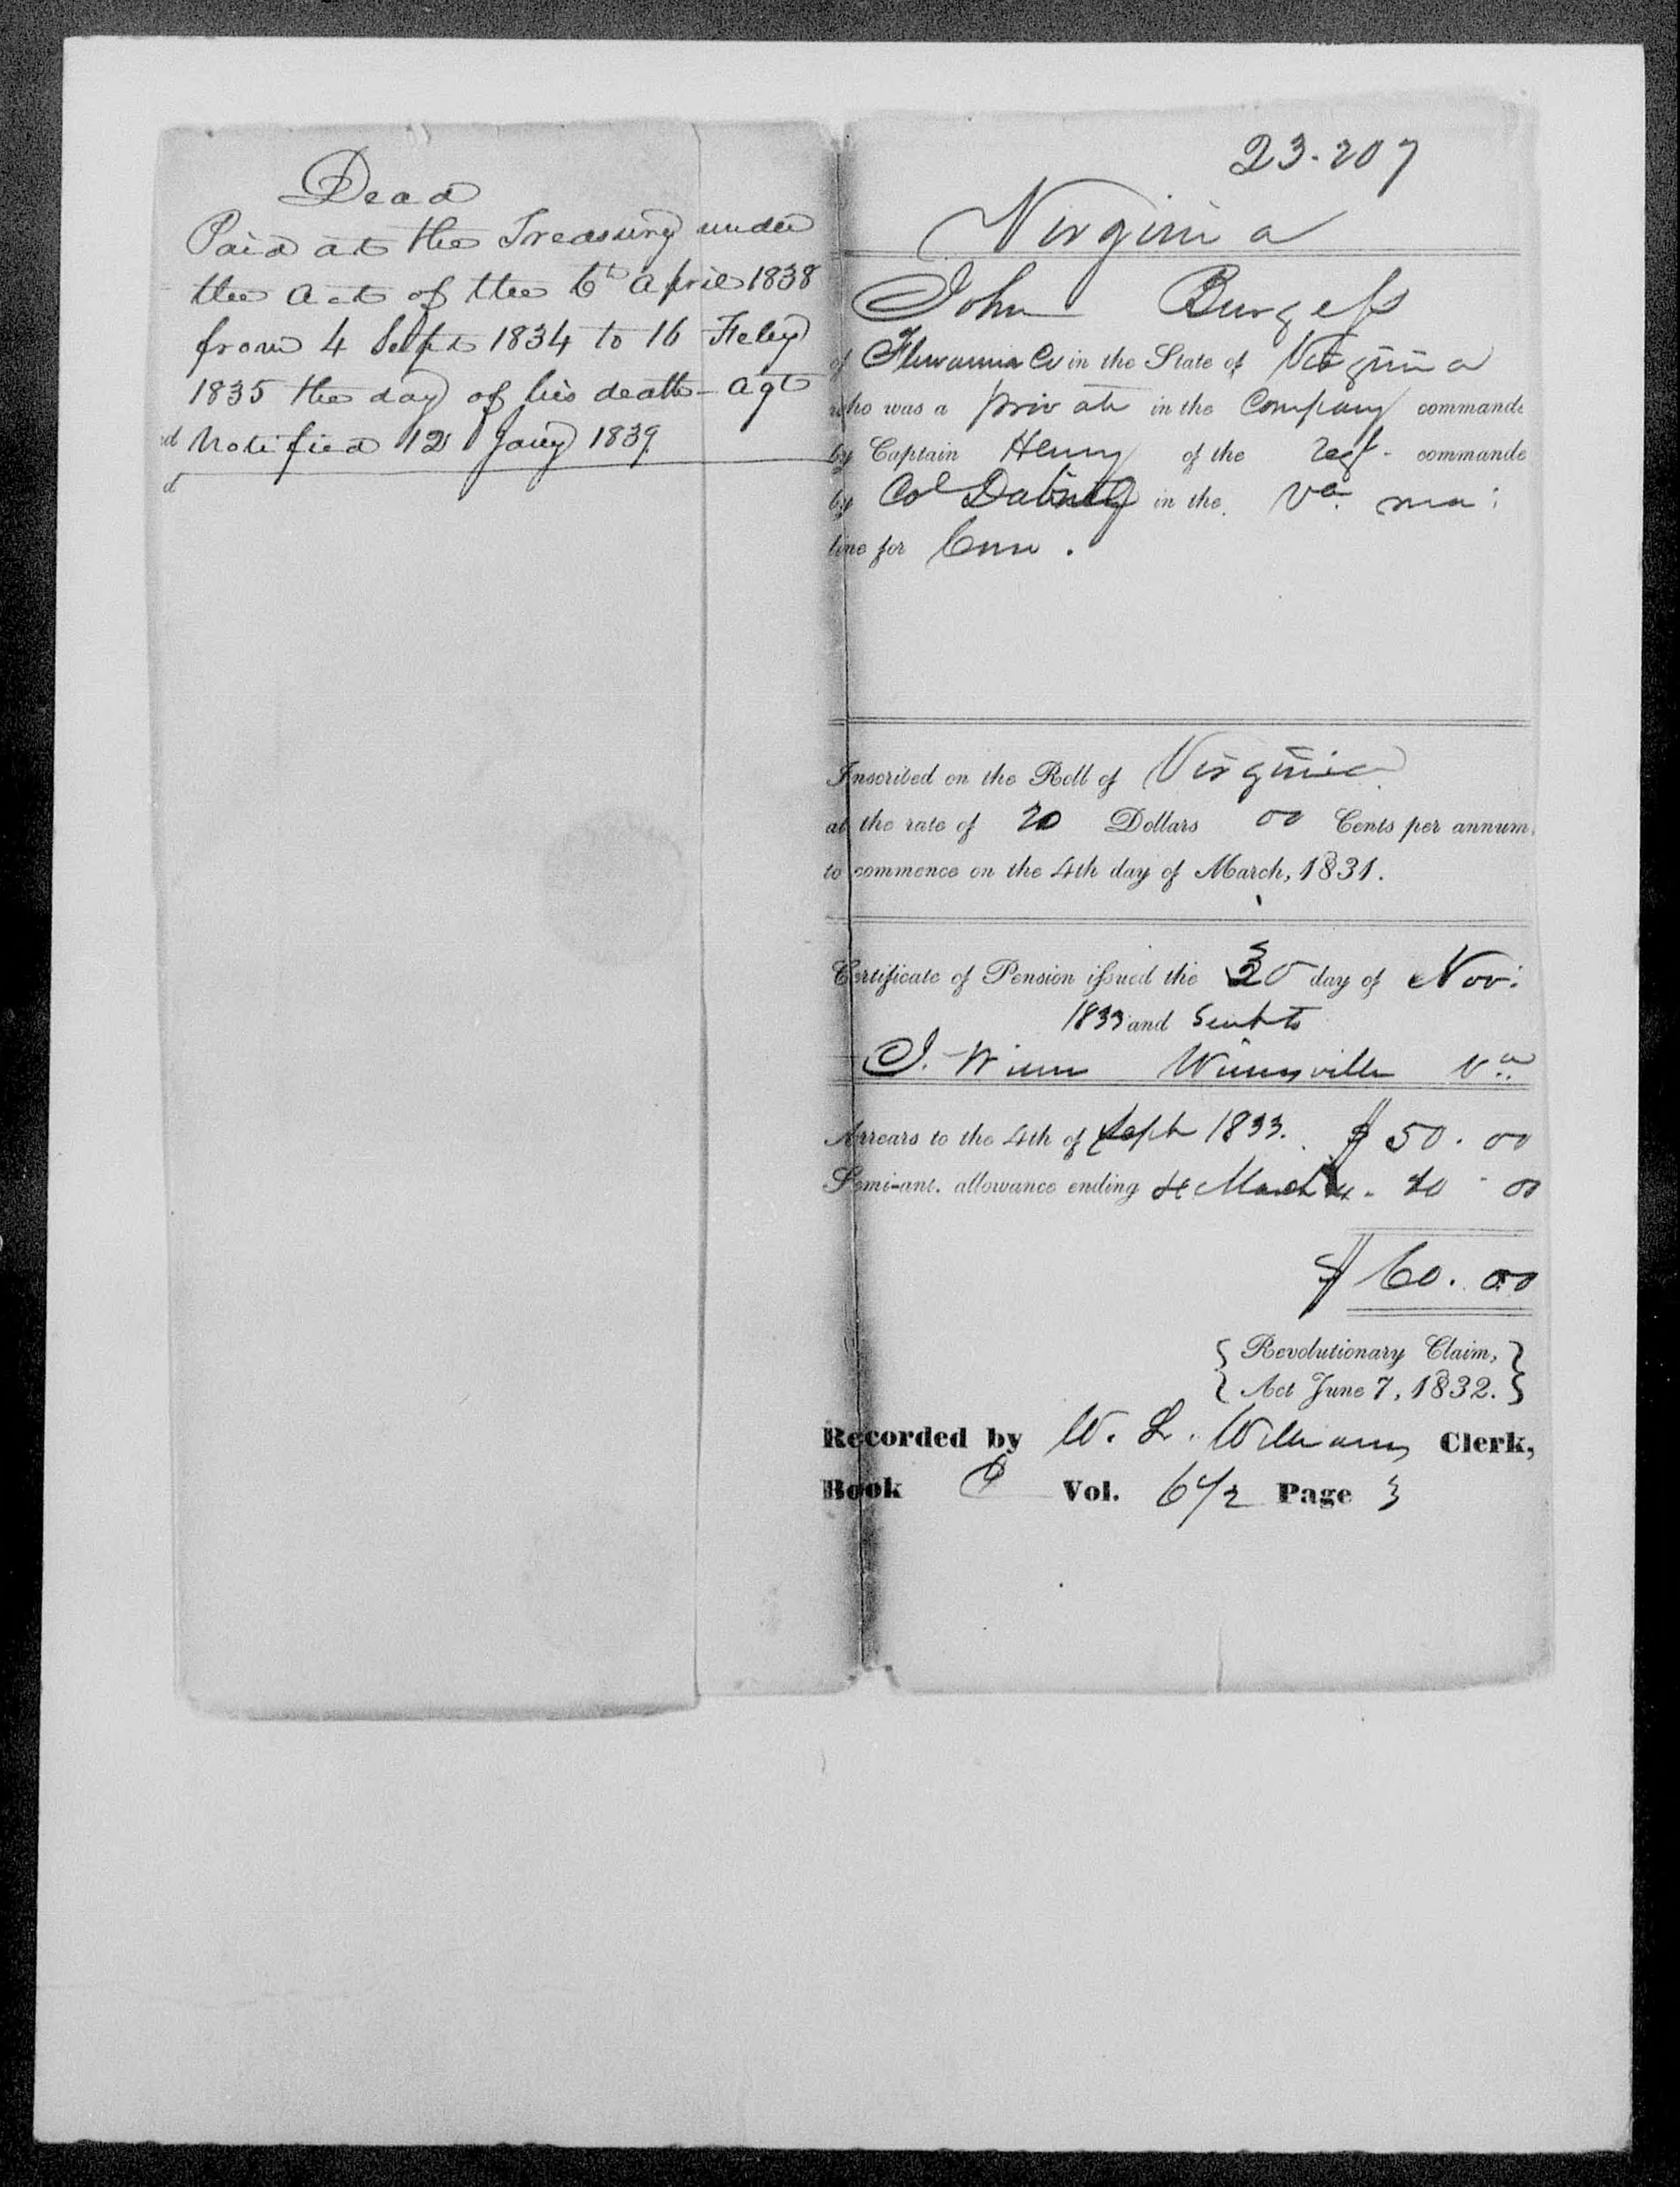Dead
Paid at the Treasury under
the Act of the 6th April 1838 from 4 Sept 1834 to 16 Feby 1835 the day of his death - Agt
notified 12 January 1839

23,207
Virginia
John Burgess
Fluvanna Co in the State of Virginia
who was a private in the Company commanded
by Captain Henry of the Regt commanded by Col Dabney in the VA [ ?] line for Con.

Inscribed on the Roll of Virginia at the rate of 20 Dollars 00 Cents per annum to commence on the 4th day of March 1831.

Certificate of Pension issued the 30 day of Nov. 1833 and sent to  J. Winn  Winnsville Va
Arrears to the 4th of Sept 1833.  $50.00
Semi-anl. allowance ending 4 March  10.00
                                             $ 60,00
     Revolutionary Claim,
Act. June 7, 1832
Recorded by W. L. Williams Clerk
Book  [?]  Vol.6 1/2 Page 3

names: W L Williams, John Burgess, Henry, J Winn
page: 2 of 16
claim: survivor's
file: S. 8113, John Burgess, Va.